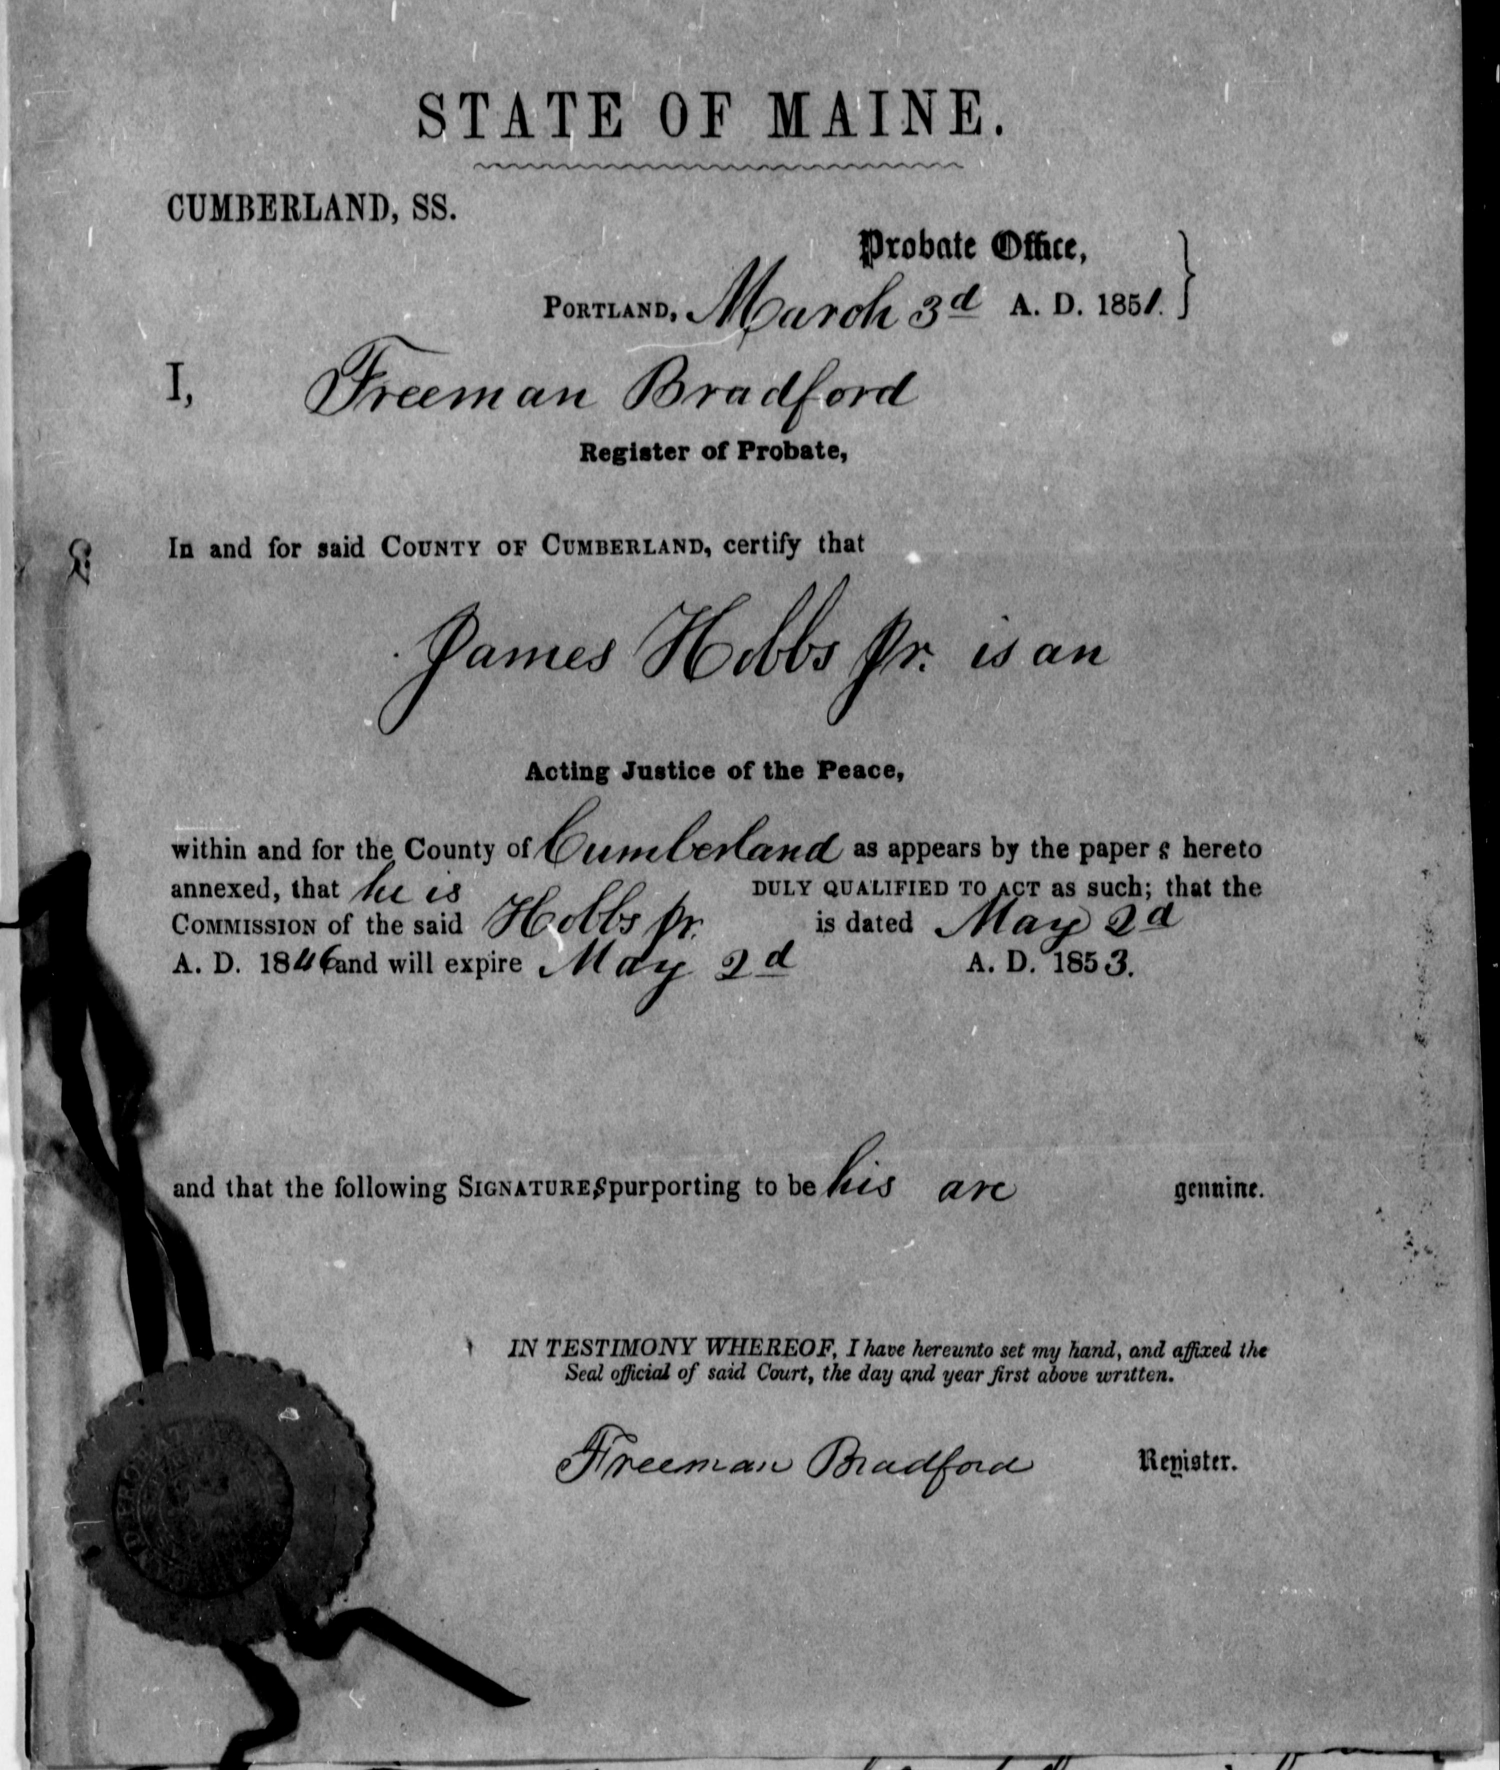STATE OF MAINE.
~~~~~~~~~~~~
CUMBERLAND, SS.
Probate Office,}
PORTLAND, March 3rd, A.D. 1851}

I, Freeman Bradford
Register of Probate,
In and for said COUNTY OF CUMBERLAND, certify that
James Hobbs Jr. is an
Acting Justice of the Peace,
within and for the County of Cumberland, as appears by the papers hereto annexed, that he is DULY QUALIFED TO ACT as such; that the COMMISSION of the said Hobbs Jr. is dated May 2nd, A.D. 1846 and will expire May 2nd, A.D. 1853, and that the following SIGNATURES purporting to be his are genuine.

IN TESTIMONY WHEREOF, I have hereunto set my hand, and affixed the Seal official of said Court, the day and year first above written.

[SIGNED: Freeman Bradford] Register.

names: Freeman Bradford, Hobbs, Freeman Bradford, James Hobbs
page: 77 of 86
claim: survivor's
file: S 29,568, Isaac Abbot, Mass